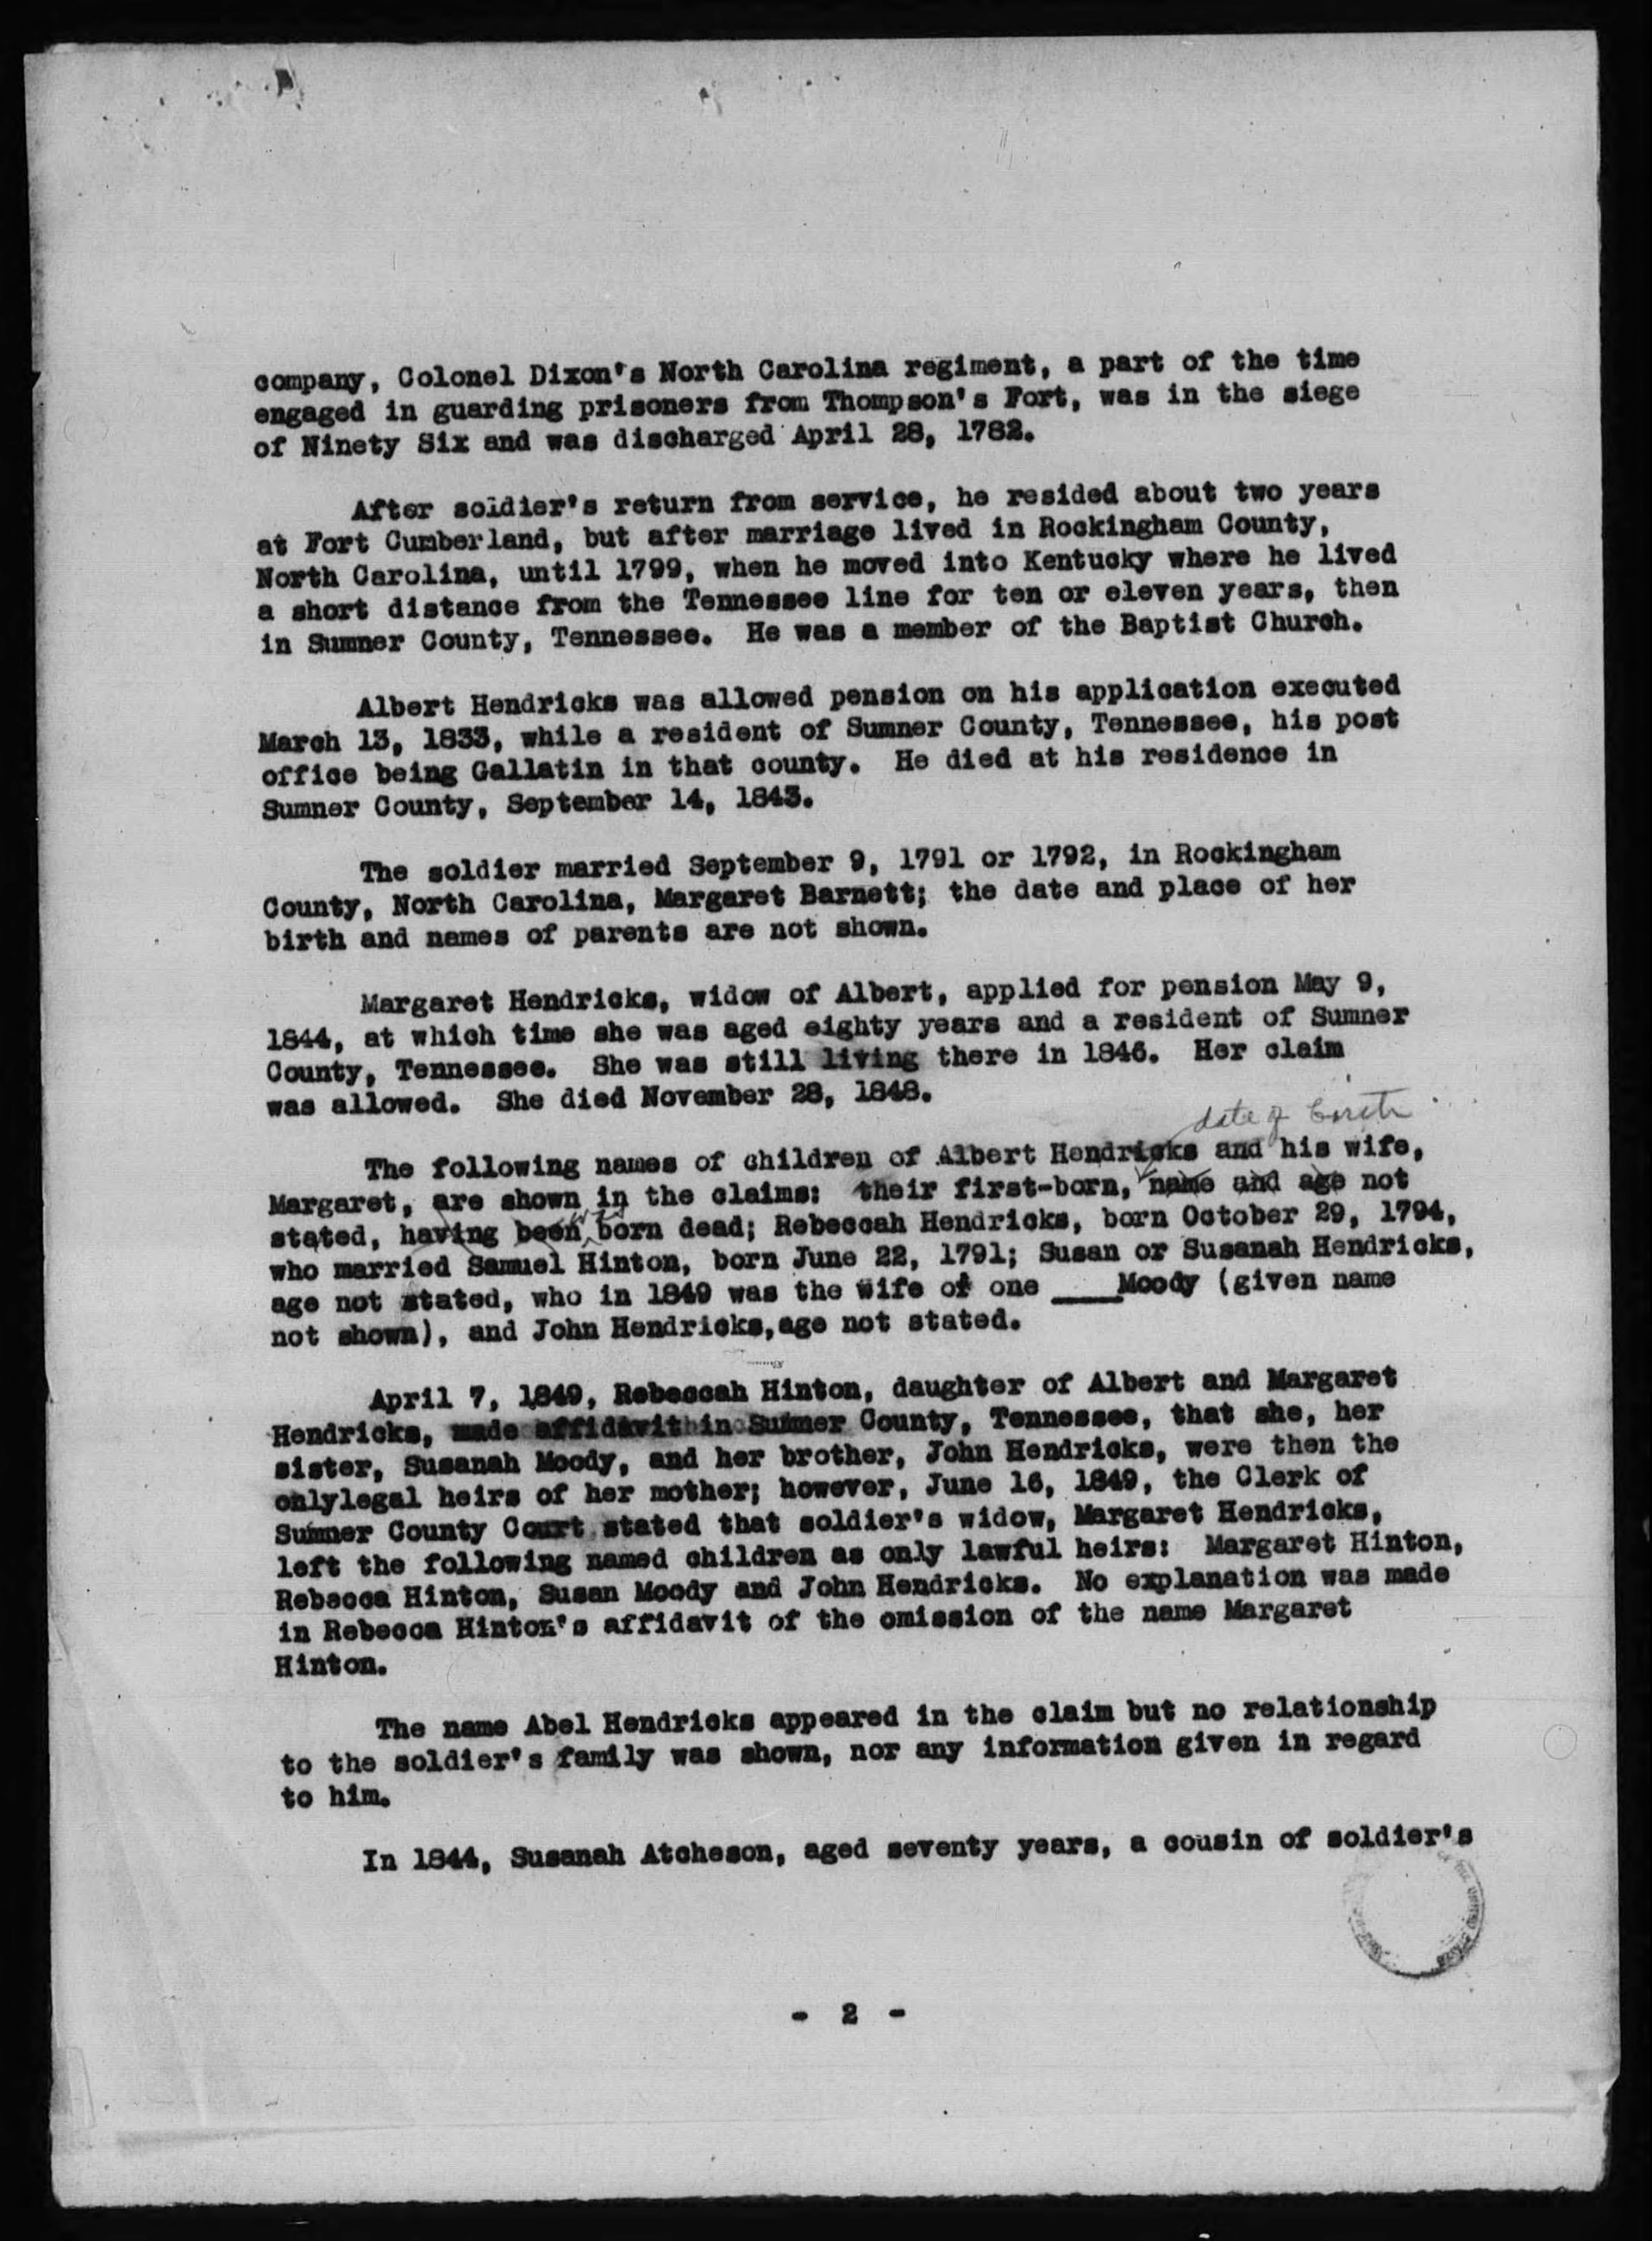company, Colonel Dixon's North Carolina regiment, a part of the time 
engaged in guarding prisoners from Thompson's Fort, was in the siege 
of Ninety Six and was discharged April 18, 1782.

After soldier's return from service, he resided about two years 
at Fort Cumberland, but after marriage lived in Rockingham County, 
North Carolina, until 1799, when he moved into Kentucky where he lived 
a short distance from the Tennessee line for ten or eleven years, then 
in Sumner County, Tennessee.  He was a member of the Baptist Church.

Albert Hendricks was allowed pension on his application executed 
March 13, 1833, while a resident of Sumner County, Tennessee, his post 
office being Gallatin in that county.  He died at his residence in 
Sumner County, September 14, 1843.

The soldier married September 9, 1791 or 1792, in Rockingham 
County, North Carolina, Margaret Barnett; the date and place of her 
birth and names of parents are not shown.

Margaret Hendricks, widow of Albert, applied for pension May 9, 
1844, at which time she was aged eighty years and a resident of Sumner 
County, Tennessee.  She was still living there in 1846.  Her claim 
was allowed.  She died November 28, 1848.

The following names of children of Albert Hendricks and his wife, 
Margaret, are shown in the claims: their first-born [struck out: name and age] date of birth not 
stated, [struck out: having been] was born dead; Rebeccah Hendricks, born October 29, 1794, 
who married Samuel Hinton, born June 22, 1791; Susan or Susanah Hendricks, 
age not stated, who in 1849 was the wife of one ___ Moody (given name 
not shown), and John Hendricks, age not stated.

April 7, 1849, Rebeccah Hinton, daughter of Albert and Margaret 
Hendricks, made affidavit in Sumner County, Tennessee, that she, her 
sister, Susanah Moody, and her brother, John Hendricks, were then the 
only legal heirs of her mother; however, June 16, 1849, the Clerk of 
Sumner County Court stated that soldier's widow, Margaret Hendricks, 
left the following named children as only lawful heirs: Margaret Hinton, 
Rebecca Hinton, Susan Moody and John Hendricks.  No explanation was made 
in Rebecca Hinton's affidavit of the omission of the name Margaret 
Hinton.

The name Abel Hendricks appeared in the claim but no relationship 
to the soldier's family was shown, nor any information given in regard 
to him.

In 1844, Susanah Atcheson, aged seventy years, a cousin of soldier's 

[Circular seal of National Archives]
THE NATIONAL ARCHIVES OF THE UNITED STATES

- 2 -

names: Rebecca Hinton, Moody, John Hendricks, Albert Hendricks, Margaret Hinton, Samuel Hinton, Albert Hendricks, Susanah Moody, Albert Hendricks, Margaret Hendricks, Susan Moody, John Hendricks, Margaret Hendricks, Rebeccah Hendricks, Rebeccah Hinton, Susanah Hendricks, Abel Hendricks, Margaret Barnett, Rebecca Hinton, John Hendricks, Margaret, Margaret Hendricks, Margaret Hinton, Susan Hendricks, Susanah Atcheson, Albert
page: 18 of 76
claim: widow's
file: W. 83, Albert Hendricks, Continental Md. N.C.